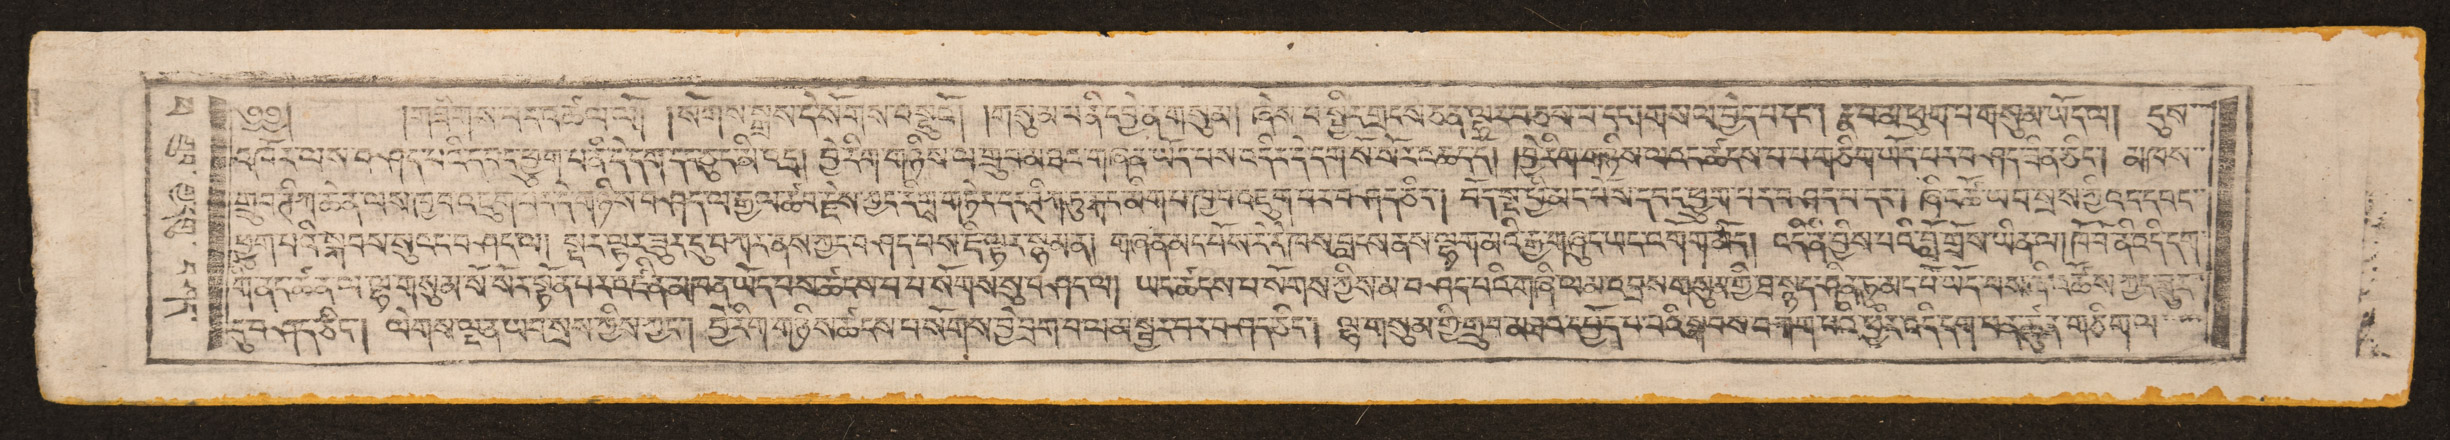༄༅། །གཟིགས་པར་འཚལ་ལོ། །སོགས་སྒྲས་དེ་སོགས་བསྡུའོ། །གསུམ་པ་ནི་དབྱེ་ན་གསུམ། ཞེས་པ་སྤྱིར་གྲངས་ཅན་ལྷར་བཅས་པ་དང་། གསལ་བྱེད་པ་དང་། རྣ་བ་མ་ཕུག་པ་གསུམ་ཡོད་ལ། དུས་
འཁོར་ལས་བཤད་པའི་དབང་ཕྱུག་པ་ནི་དེ་དག་དང་ཅུང་མི་འདྲ། བྱེ་རིག་གཉིས་ལ་གྲུབ་མཐའ་གཞན་ཡོད་པས་འདིར་དེ་དག་སོ་སོར་འཆད་དོ། །བྱེ་རིག་གཏིས་ལའང་ཚངས་པ་པ་གཅིག་ཡོད་པར་བཤད་ཟིན་ཅིང་། མཁས་
གྲུབ་ཊིཀ་ཆེན་ལས་ཁྱབ་འཇུག་པར་དེ་གཉིས་བཤད་ལ་རྒྱལ་ཚབ་རྗེས་ཀྱང་རིགས་གཏེར་དར་ཊིཀ་ཏུ་རྐང་མིག་པ་ཁྱབ་འཇུག་པར་བཤད་ཅིང་། བོད་སྔ་ཕྱི་མང་པོས་དབང་ཕྱུག་པར་བཤད་པ་དང་། ཞི་འཚོ་ཡབ་སྲས་ཀྱི་འང་དབང་
ཕྱུག་པའི་སྐབས་སུའང་བཤད་ལ། སྔར་ལྟར་ཟུར་དུ་བཀར་ནས་ཀྱང་བཤད་པས་ཇི་ལྟར་སྙམ་ན། གཞན་མང་པོས་རེ་རེ་ཁས་བླངས་ནས་ལྷག་མའི་རྒྱ་གཞུང་ཡང་འགོག་མོད། འདི་ནི་བྱིས་པའི་བློ་གྲོས་ཡིན་ལ། ཁོ་བོ་ནི་འདི་དག་
གི་ནང་ཚན་ལ་ལྷ་གསུམ་སོ་སོར་སྟོན་པར་འཛིན་མཁན་ཡོད་པས་ཚངས་པ་པ་སོགས་སུ་བཤད་ལ། ཡང་ཚངས་པ་སོགས་ཀྱིས་མ་བཤད་པའི་གཞི་ལམ་འབྲས་གསུམ་གྱི་ཐ་སྙད་ཤིན་ཏུ་མེད་པོ་ཡོད་པས་ཞི་འཚོས་ཀྱང་ཟུར་
དུ་བཤད་ཅིང་། ལེགས་ལྡན་ཡབ་སྲས་ཀྱིས་ཀྱང་། བྱེ་རིག་གཉིས་ཚངས་པ་སོགས་བྱེ་བྲག་པ་ལམ་སྦྱར་བར་བཤད་ཅིང་། ལྷ་གསུམ་གྱི་གྲུབ་མཐའ་དཔྱོད་བ་པའི་སྐབས་བཀག་པའི་ཕྱིར་འདི་དག་ཕན་ཚུན་གཅིག་ལ་